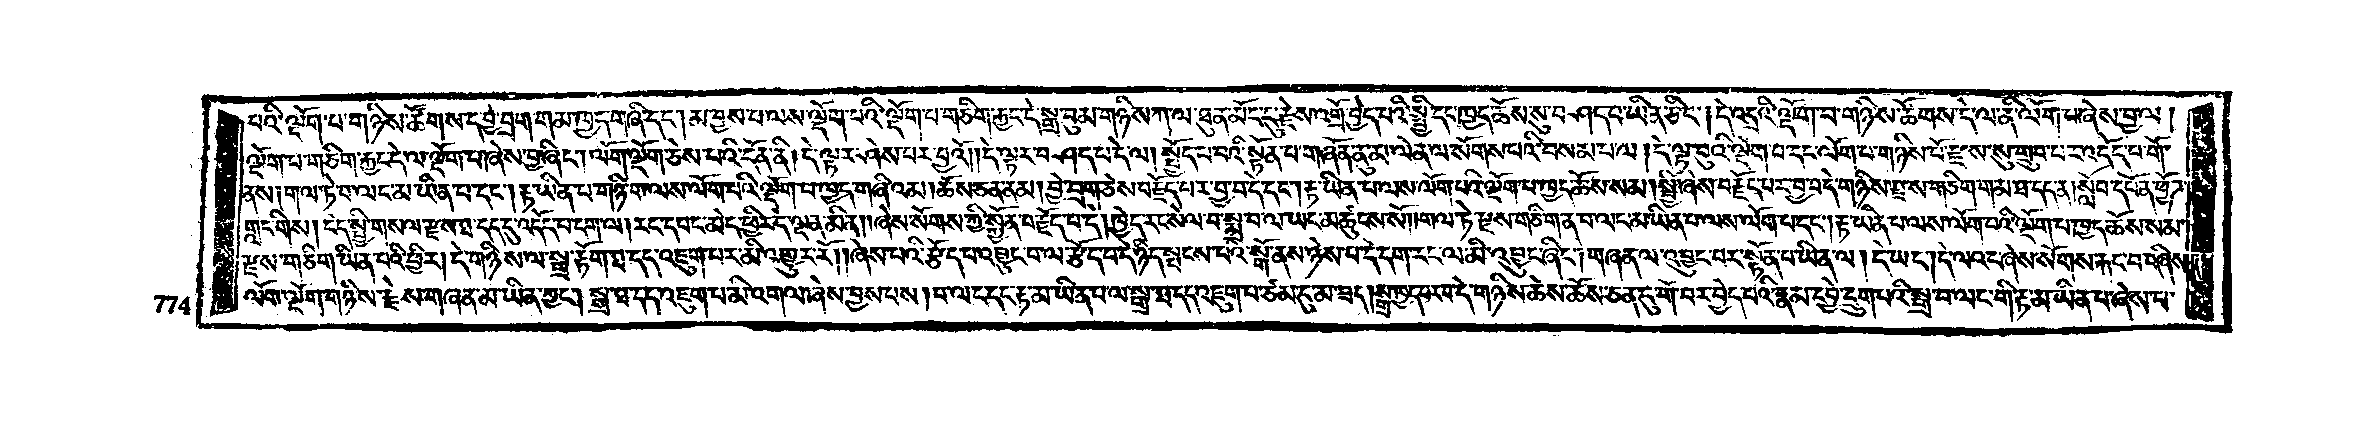པའི་ལྡོག་པ་གཉིས་ཚོགས་དབྱེ་བྲག་གམ་ཁྱད་གཞི་དང་། མ་ཁྱས་པ་ལས་ལྡོག་པའི་ལྡོག་པ་གཅིག་རྐྱང་དེ་སྒྲ་བུམ་གཉིས་ཀ་ལ་ཐུན་མོང་དུ་རྗེས་འགྲོ་བྱེད་པའི་སྤྱི་དང་ཁྱད་ཆོས་སུ་བཤད་པ་ཡིན་ཅིང་། དེ་འདྲའི་ལྡོག་པ་གཉིས་ཚོགས་དེ་ལ་ནི་ལོག་པ་ཞེས་བྱ་ལ།
ལྡོག་པ་གཅིག་རྐྱང་དེ་ལ་ལྡོག་པ་ཞེས་བྱ་ཞིང་། ལོག་ལྡོག་ཅེས་པའི་དོན་ནི། དེ་ལྟར་ཤེས་པར་བྱའོ། །དེ་ལྟར་བཤད་པ་དེ་ལ། སྤྱོད་པ་བའི་སྟོན་པ་གཞོན་ནུ་མ་ལེན་ལ་སོགས་པའི་བསམ་པ་ལ། དེ་ལྟ་བུའི་ལྡོག་པ་དང་ལོག་པ་གཉིས་པ་རྫས་སུ་གྲུབ་པར་འདོད་པ་གོ་
ནས། གལ་ཏེ་བ་ལང་མ་ཡིན་པ་དང་། རྟ་ཡིན་པ་གཉིས་ག་ལས་ལོག་པའི་ལྡོག་པ་ཁྱད་གཞིའམ། ཆོས་ཅན་ནམ། བྱེ་བྲག་ཅེས་བརྗོད་པར་བྱ་བ་དེ་དང་། རྟ་ཡིན་པ་ལས་ལོག་པའི་ལྡོག་པ་ཁྱད་ཆོས་སམ། སྤྱི་ཞེས་བརྗོད་པར་བྱ་བ་དེ་གཉིས་རྫས་གཅིག་གམ་ཐ་དད་ན། སློབ་དཔོན་ཕྱོགས་
གླང་གིས། ངེད་སྤྱི་གསལ་རྫས་ཏ་དད་དུ་འདོད་པ་དག་ལ། རང་དབང་མེད་ཕྱིར་དེ་ལདན་མིན། ཞཝས་སོགས་ཀྱི་སྐྱོན་བརྗོད་པ་དེ། ཁྱེད་རང་སེལ་བ་སྨྲ་བ་ལ་ཡང་མཚུགས་སོ། །གལ་ཏེ། རྫས་གཅིག་ན་བ་ལང་མ་ཡིན་པ་ལས་སོགས་པ་དྣག། རྟ་ཡིན་པ་ལས་ལོག་པའི་ལྡོག་པ་ཁྱད་ཆོས་སམ་
རྫས་གཅིག་ཡིན་པའི་ཕྱིར། དེ་གཉིས་ལ་སྒྲ་རྟོག་ཐ་དད་འཇུག་པར་མི་འགྱུར་རོ། །ཞེས་པའི་རྟོད་པ་འབྱུང་བ་ལ་རྩོད་པ་དེ་ཉིད་སྤངས་པའི་སྒོ་ནས་ཉེས་པ་དེ་དག་རང་ལ་མི་འབྱུང་ཞིང་། གཞན་ལ་འབྱུང་བར་སྟོན་པ་ཡིན་ལ། དེ་ཡང་། དེ་ལའང་ཞེས་སོགས་རྐང་བ་བཞིས་
ལོག་ལྡོག་གཉིས་རྫས་གཞན་མ་ཡིན་ཀྱང་། སྒྲ་ཐ་དད་འཇུག་པ་མི་འགལ་ཞཝས་བྱས་པས། བ་ལང་དང་རྟ་མ་ཡིན་པ་ལ་སྒྲ་ཐ་དད་འཇུག་པ་ཙམ་དུ་མ་ཟད། སྒྲ་ཁྱད་པར་བ་དེ་གཉིས་ཆེས་ཆོས་ཅན་དུ་གོ་བར་བྱེད་པའི་རྣམ་སྦྱེ་དྲུག་པའི་སྒྲ་བ་ལང་གི་རྟ་མ་ཡིན་པ་ཞེས་པ་